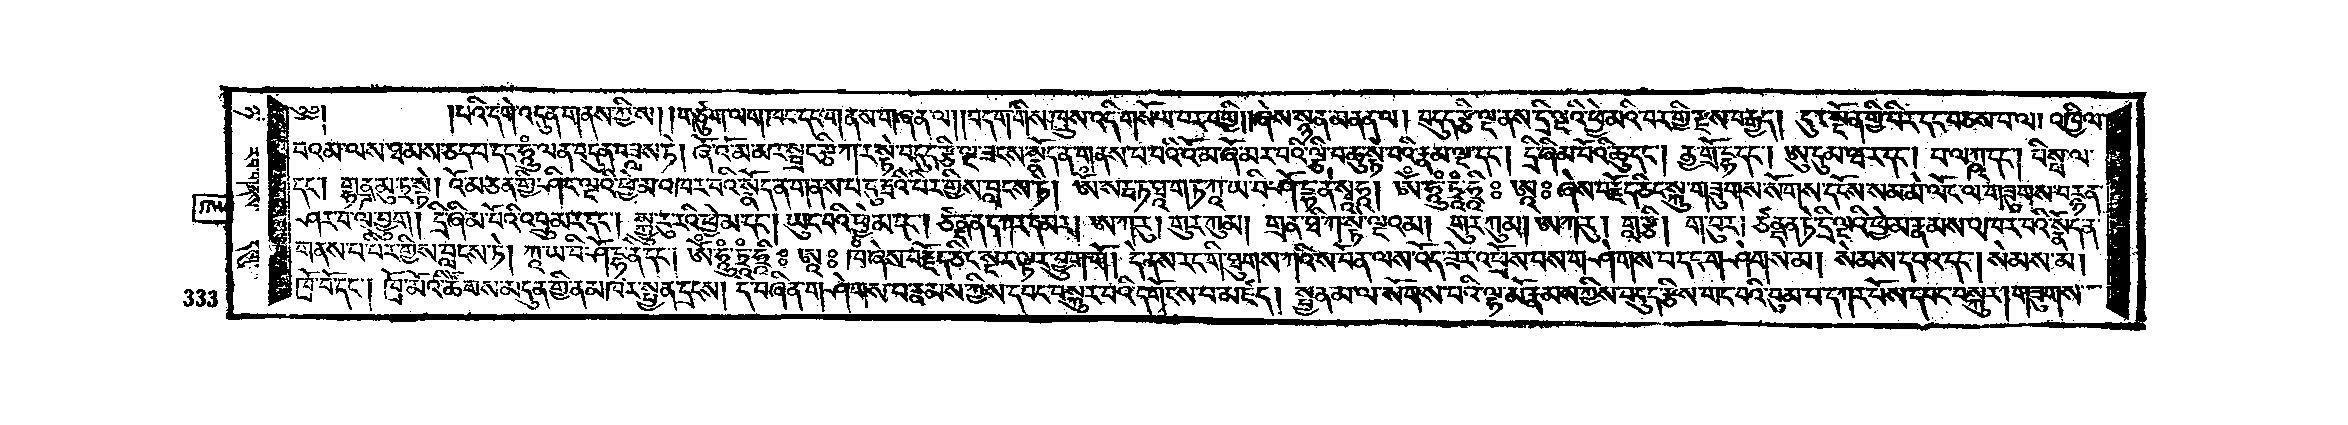༄༅། །པའི་དགེ་འདུན་གནས་ཀྱི་ས། །གཙུག་ལག་ཁང་དང་གནས་གཞན་ལ། །བདག་གིས་ཁྲུས་འདི་གསོལ་བར་བགྱི། །ཞེས་སྙན་མནན་ལ། བདུད་རྩི་ལྔ་ནས་དྲི་ལྔའི་ཕྱེ་མའི་བར་གྱི་རྫས་བརྒྱད། དུར་སྔོན་གྱི་པིར་དང་བཅས་པ་ལ། འཁྱིལ་
བའམ་ལས་ཐམས་ཅད་པ་དང་ཧཱུཾ་ལན་བདུན་བཟླས་ཏེ། ཞོ་འོ་མ་མར་སྦྲང་རྩི་ཀ་ར་སྟེ་བདུད་རྩི་ལྔ་ཟངས་སྣོད་ན་གནས་པ་བའི་འོ་མ་ཞོ་མར་བའི་ལྕི་བ་ཆུ་སྟེ་བའི་རྣམ་ལྔ་དང་། དྲི་ཞིམ་པོའི་ཆུ་དང་། ནྱ་གྲོ་དྷ་དང་། ཨུ་དུམ་ཝ་ར་དང་། པ་ལཀྵ་དང་། པིསྥ་ལ་
དང་། གྷནྜ་མུ་ཏྲ་སྟེ། འོ་མ་ཅན་གྱི་ཤིང་ལྔའི་ཕྱེ་མ་འཁར་བའི་སྣོད་ན་གནས་པ་དུ་རྦའི་པིར་གྱིས་བླངས་ཏེ། ཨོཾ་སརྦ་ཏ་ཐཱ་ག་ཏ་ཀཱ་ཡ་བི་ཤོ་དྷ་ནེ་སྭཱ་ཧཱ། ཨོཾ་ཧཱུཾ་ཏྲཱཾ་ཧྲཱིཿ ཨཱཿ ཞེས་བརྗོད་ཅིང་སྐུ་གཟུགས་སོགས་དངོས་སམ་མེ་ལོང་ལ་གཟུགས་བརྙན་
ཤར་བ་ལ་བྱུག །དྲི་ཞིམ་པོའི་འབྲུ་མར་དང་། སྐྱུ་རུ་རའི་ཕྱེ་མ་དང་། ཡུང་བའི་ཕྱེ་མ་དང་། ཙནྡན་དཀར་དམར། ཨ་ཀ་རུ། གུར་ཀུམ། གྲན་ཐི་ཀ་སྟེ་ལྔའམ། གུར་ཀུམ། ཨ་ཀ་རུ། གླ་རྩི། ག་བུར། ཙནྡན་ཏེ་དྲི་ལྔའི་ཕྱེ་མ་རྣམས་འཁར་བའི་སྣོད་ན་
གནས་པ་པིར་གྱིས་བླངས་ཏེ། ཀཱ་ཡ་བི་ཤོ་དྷ་ནེ་དང་། ཨོཾ་ཧཱུཾ་ཏྲཱཾ་ཧྲཱིཿ ཨཱཿ ཁཾ་ཞེས་བརྗོད་ཅིང་སྔར་ལྟར་བྱུག་གོ །དེ་ནས་རང་གི་ཐུགས་ཀའི་ས་བོན་ལས་འོད་ཟེར་འཕྲོས་པས་གཤེགས་པ་དང་གཤེགས་མ། སེམས་དཔའ་དང་། སེམས་མ།
ཁྲོ་བོ་དང་། ཁྲོ་མོའི་ཚོགས་མདུན་གྱི་ནམ་མཁར་སྤྱན་དྲངས། དེ་བཞིན་གཤེགས་པ་རྣམས་ཀྱིས་དབང་བསྐུར་བའི་དགོངས་པ་མཛད། སྤྱན་མ་ལ་སོགས་པའི་ལྷ་མོ་རྣམས་ཀྱིས་བདུད་རྩིས་གང་བའི་བུམ་པ་དཀར་པོས་དབང་བསྐུར། གཟུགས་